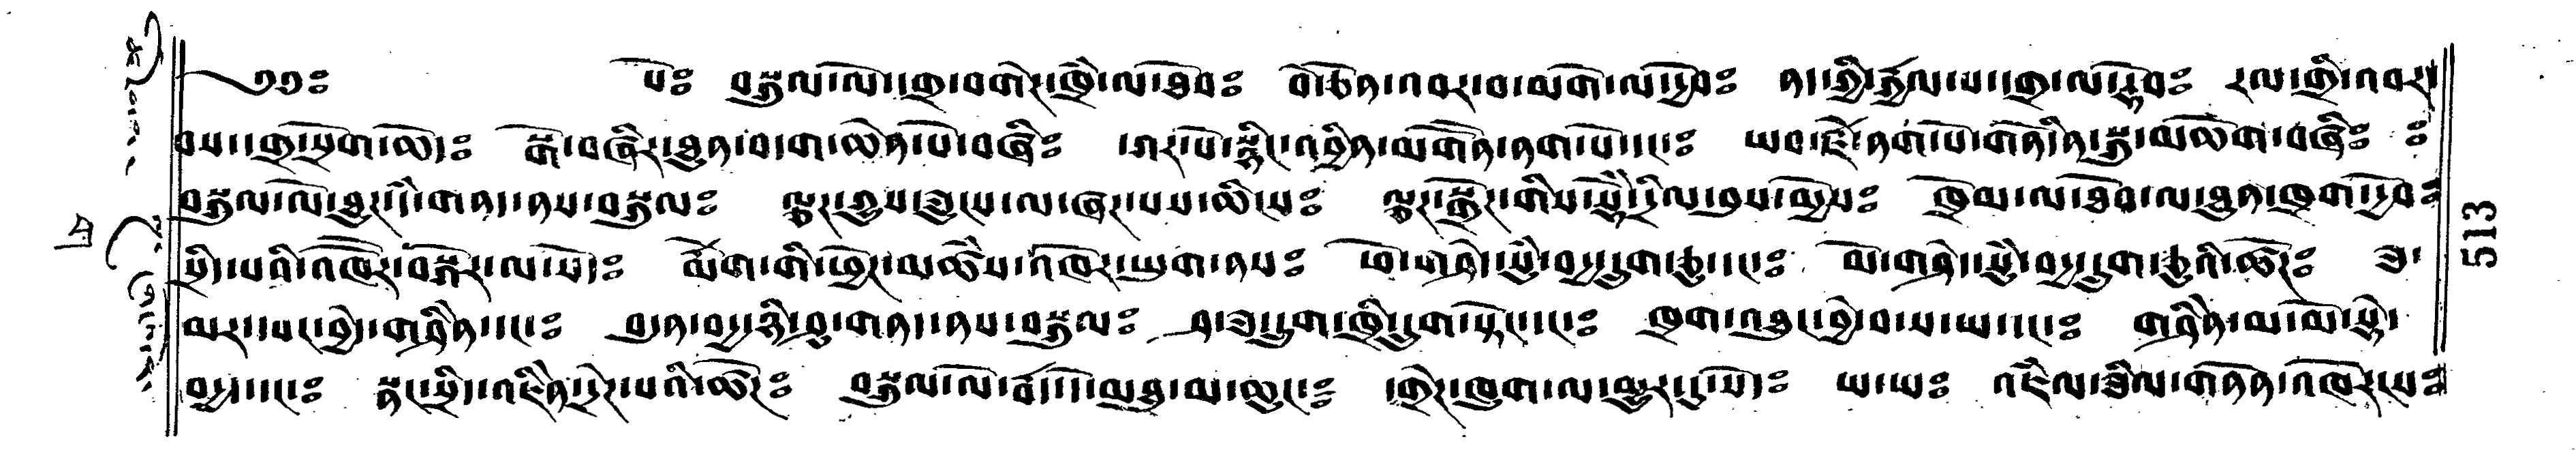པོ༔ སྐུལ་ལོ་དགྲ་བགེགས་ཁྲམ་ལ་ཐོབས༔ བེ་ཅོན་འབར་བ་མགོ་ལ་རྒྱོབས༔ ནད་ཀྱི་རྐྱལ་པ་དགྲ་ལ་རྡོབས༔ རལ་གྲི་འབར་
བས་དགྲ་སྲོག་ཆོད༔ སྒོ་བཞིར་ཐུན་བདག་ཆེན་པོ་བཞི༔ དཀར་པོ་སྙིང་འབྱིན་མགོན་པོ་ནག་པོ་དང༔ ཡབ་རྗེ་ནག་པོ་གནོད་སྦྱིན་སྐུ་མཆོག་བཞི༔ 
སྐུལ་ལོ་ཐུགས་དམ་གནས་ནས་སྐུལ༔ ལྕགས་ཀྱུས་ཟུངས་ལ་ཞགས་པས་ཆིངས༔ ལྕགས་སྒྲོག་གིས་སྡོམ་དྲིལ་བུས་མྱོས༔ ཁྲམ་ལ་ཐོབ་ལ་ཐུན་ཁྲག་རྒྱོབས༔ 
སྲིད་པའི་འཁོར་ལོ་བསྐོར་ལ་སོད༔ རྨོག་གི་ཕྱོགས་མཚམས་འཁོར་ཡུག་ནས༔ ཕོ་གཤེད་སུམ་བརྒྱ་དྲུག་ཅུ་དང༔ མོ་གཤེད་སུམ་བརྒྱ་དྲུག་ཅུའི་ཚོགས༔ ཟ་
མར་དཔང་བྱེད་གཤིན་རྗེ་དང༔ བདུན་བརྒྱ་ཉི་ཤུ་གནད་ནས་སྐུལ༔ ཤ་ཟ་དྲུག་ཁྲི་དྲུག་སྟོང་དང༔ཁྲག་འཐུང་བྱེ་བ་ས་ཡ་དང༔ གཤིན་རྗེ་མ་མོ་སྡེ་
བརྒྱད་དང༔ སྣང་སྲིད་འཇིག་རྟེན་དྲེགས་པའི་ཚོགས༔ བསྐུལ་ལོ་རྦད་དོ་མཐུ་མ་ཆུང༔ དགྲ་བགེགས་ཁུག་ལ་མྱུར་དུ་སོད༔ ཡ་ཡ༔ འཇམ་དཔལ་ཟིལ་གནོན་འཁོར་དང་བཅས༔